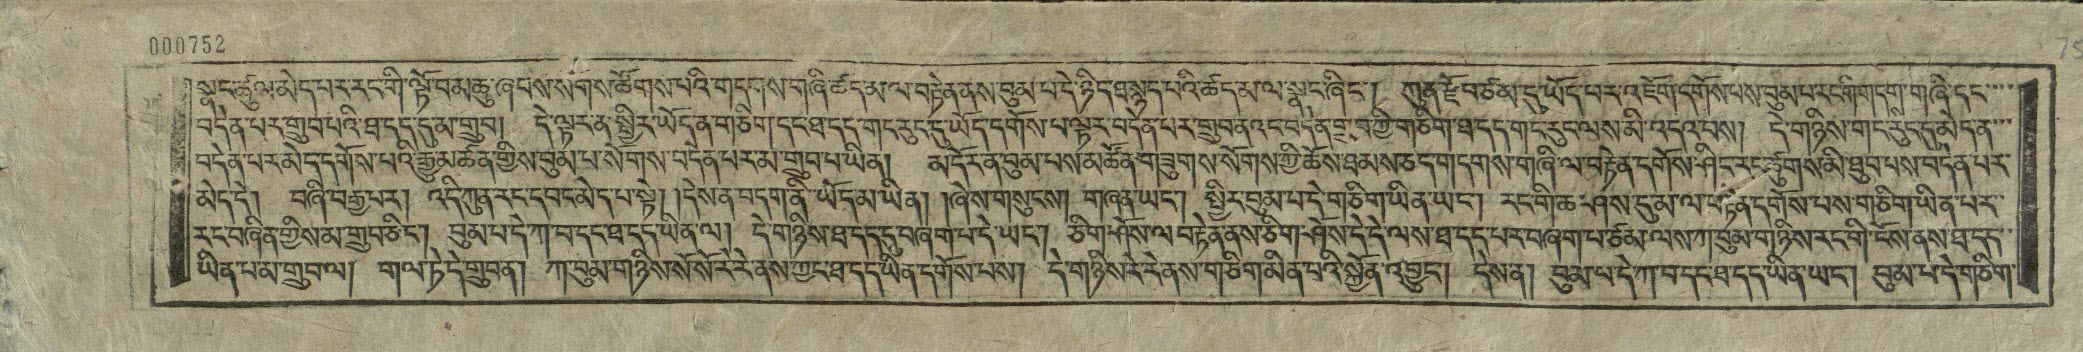སྣང་ཚུལ་མེད་པར་རང་གི་ལྟོ་བ་མཆུ་ཞབས་སོགས་ཚོགས་པའི་གདགས་གཞི་ཚད་མ་ལ་བརྟེན་ནས་བུམ་པ་དེ་ཉིད་ཐ་སྙད་པའི་ཚད་མ་ལ་སྣང་ཞིང་། ཀུན་རྫོབ་ཙམ་དུ་ཡོད་པར་འཇོག་དགོས་པས་བུམ་པ་རང་གི་གདགས་གཞི་དང་
བདེན་པར་གྲུབ་པའི་ཐ་དད་དུ་མ་གྲུབ། དེ་ལྟར་ན་སྤྱིར་ཡོད་ན་གཅིག་དང་ཐ་དད་གང་རུང་དུ་ཡོད་དགོས་པ་ལྟར་བདེན་པར་གྲུབ་ནའང་བདེན་གྲུབ་ཀྱི་གཅིག་ཐ་དད་གང་རུང་ལས་མི་འདའ་བས། དེ་གཉིས་གང་རུང་དུ་མེད་ན་
བདེན་པར་མེད་དགོས་པའི་རྒྱུ་མཚན་གྱིས་བུམ་པ་སོགས་བདེན་པར་མ་གྲུབ་པ་ཡིན། མདོར་ན་བུམ་པས་མཚོན་གཟུགས་སོགས་ཀྱི་ཆོས་ཐམས་ཅད་གདགས་གཞི་ལ་བརྟེན་དགོས་ཤིང་རང་ཚུགས་མི་ཐུབ་པས་བདེན་པར་
མེད་དེ། བཞི་བརྒྱ་པར། འདི་ཀུན་རང་དབང་མེད་པ་སྟེ། །དེས་ན་བདག་ནི་ཡོད་མ་ཡིན། །ཞེས་གསུངས། གཞན་ཡང་། སྤྱིར་བུམ་པ་དེ་གཅིག་ཡིན་ཡང་། རང་གི་ཆ་ཤས་དུ་མ་ལ་བརྟེན་དགོས་པས་གཅིག་ཡིན་པར་
རང་བཞིན་གྱིས་མ་གྲུབ་ཅིང་། བུམ་པ་དེ་ཀ་བ་དང་ཐ་དད་ཡིན་ལ། དེ་གཉིས་ཐ་དད་དུ་བཞག་པ་དེ་ཡང་། ཅིག་ཤོས་ལ་བརྟེན་ནས་ཅིག་ཤོས་དེ་དེ་ལས་ཐ་དད་པར་བཞག་པ་ཙམ་ལས་ཀ་བུམ་གཉིས་རང་གི་ངོས་ནས་ཐ་དད་
ཡིན་པ་མ་གྲུབ་ལ། གལ་ཏེ་དེ་གྲུབ་ན། ཀ་བུམ་གཉིས་སོ་སོ་རེ་རེ་ནས་ཀྱང་ཐ་དད་ཡིན་དགོས་པས། དེ་གཉིས་རེ་རེ་ནས་གཅིག་མིན་པའི་སྐྱོན་འབྱུང་། དེས་ན། བུམ་པ་དེ་ཀ་བ་དང་ཐ་དད་ཡིན་ཡང་། བུམ་པ་དེ་གཅིག་